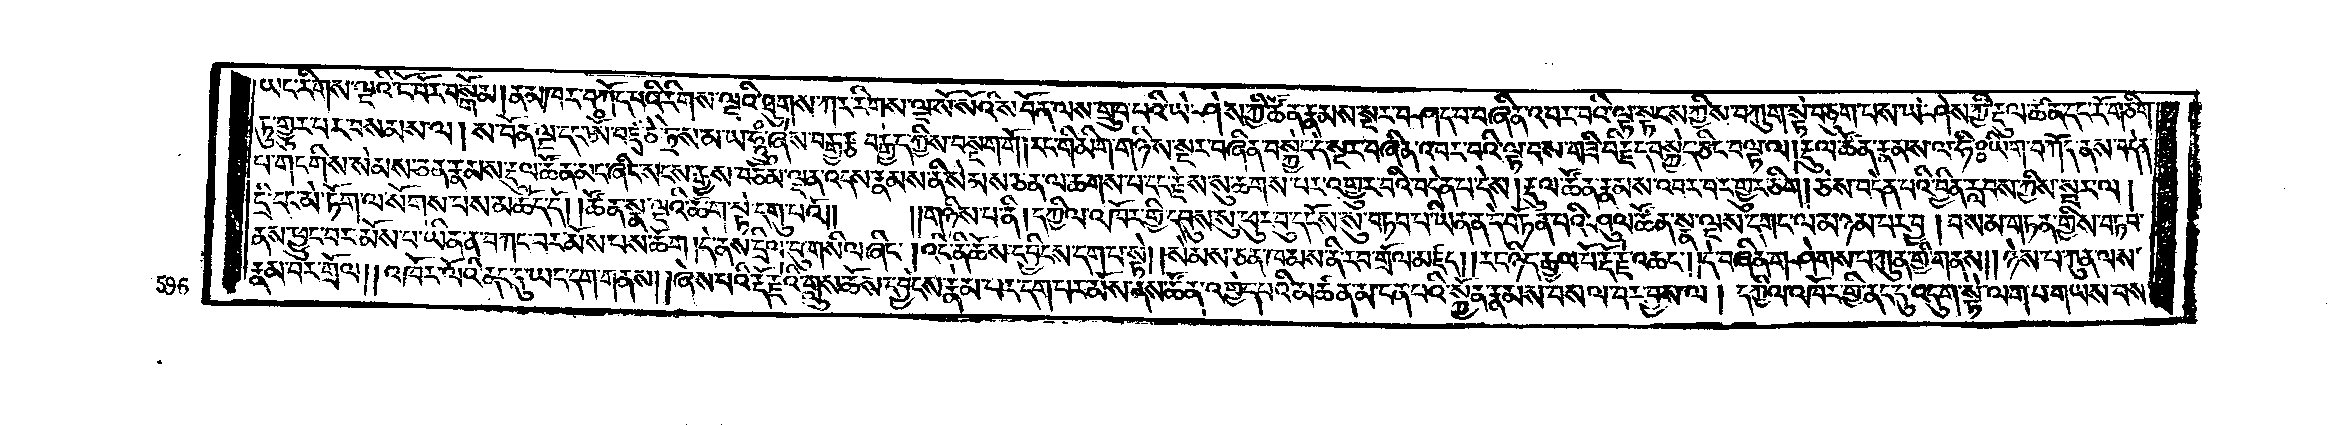ཡང་རིགས་ལྔའི་ངོ་བོར་བསྒོམ། ནམ་མཁར་བཀོད་པའི་རིགས་ལྔའི་ཐུགས་ཀར་རིགས་ལྔ་སོ་སོའི་ས་བོན་ལས་གྲུབ་པའི་ཡེ་ཤེས་ཀྱི་ཚོན་རྣམས་སྔར་བཤད་པ་བཞིན་འབར་བའི་ལྟ་སྟངས་ཀྱིས་བཀུག་སྟེ་བཅུག་པས་ཡེ་ཤེས་ཀྱི་རྡུལ་ཚོན་དང་རོ་གཅིག་
ཏུ་གྱུར་པར་བསམས་ལ། ས་བོན་ལྔ་དང་ཨོཾ་བཛྲ་ཅི་ཏྲེ་ས་མ་ཡ་ཧཱུཾ་ཞེས་བརྒྱ་རྩ་བརྒྱད་ཀྱིས་བསྔག་གོ །རང་གི་མིག་གཉིས་སྔར་བཞིན་བསྐྱེད་དེ་སྔར་བཞིན་འབར་བའི་ལྟ་བས་གཟི་བརྗིད་བསྐྱེད་ཅིང་བལྟ་ལ། རྡུལ་ཚོན་རྣམས་ལ་ཧིཿ ཡིག་བཀོད་ནས་བདེན་
པ་གང་གིས་སེམས་ཅན་རྣམས་རྡུལ་ཚོན་མང་ཞིང་སངས་རྒྱས་བཅོམ་ལྡན་འདས་རྣམས་ནི་སེམས་ཅན་ལ་ཆགས་པ་དང་རྗེས་སུ་ཆགས་པར་འགྱུར་བའི་བདེན་པ་དེས། རྡུལ་ཚོན་རྣམས་འབར་བར་གྱུར་ཅིག །ཅེས་བདེན་པའི་བྱིན་རླབས་ཀྱིས་སྦར་ལ།
དྲི་དང་མེ་ཏོག་ལ་སོགས་པས་མཆོད་དོ། །ཚོན་སྣ་ལྔའི་ཆོ་ག་སྟེ་དགུ་པའོ།། །།གཉིས་པ་ནི། དཀྱིལ་འཁོར་གྱི་དབུས་སུ་ཕུར་བུ་དངོས་སུ་བཏབ་པ་ཡིན་ན་དེ་བཏོན་པའི་ཤུལ་ཚོན་སྣ་ལྔས་དགང་ལ་མཉམ་པར་བྱ། བསམ་གཏན་གྱིས་བཏབ་
ནས་ཕྱུང་བར་མོས་པ་ཡིན་ན་བཀང་བར་མོས་པས་ཆོག །དེ་ནས་དྲིལ་བུ་གསིལ་ཞིང་། འདི་ནི་ཆོས་དབྱིངས་དག་པ་སྟེ། །སེམས་ཅན་ཁམས་ནི་རབ་གྲོལ་མཛད། །རང་ཉིད་རྒྱལ་པོ་རྡོ་རྗེ་འཆང་། །དེ་བཞིན་གཤེགས་པ་ཀུན་གྱི་གནས། །ཉེས་པ་ཀུན་ལས་
རྣམ་པར་གྲོལ། །འཁོར་ལོའི་ནང་དུ་ཡང་དག་གནས། །ཞེས་པའི་རྡོ་རྗེའི་གླུས་ཆོས་དབྱིངས་རྣམ་པར་དག་པར་མོས་ནས་ཚོན་འགྱེད་པའི་མཚན་མ་ངན་པའི་སྐྱོན་རྣམས་བསལ་བར་བྱས་ལ། དཀྱིལ་འཁོར་གྱི་ནང་དུ་འདུག་སྟེ་ལག་པ་གཡས་བས་